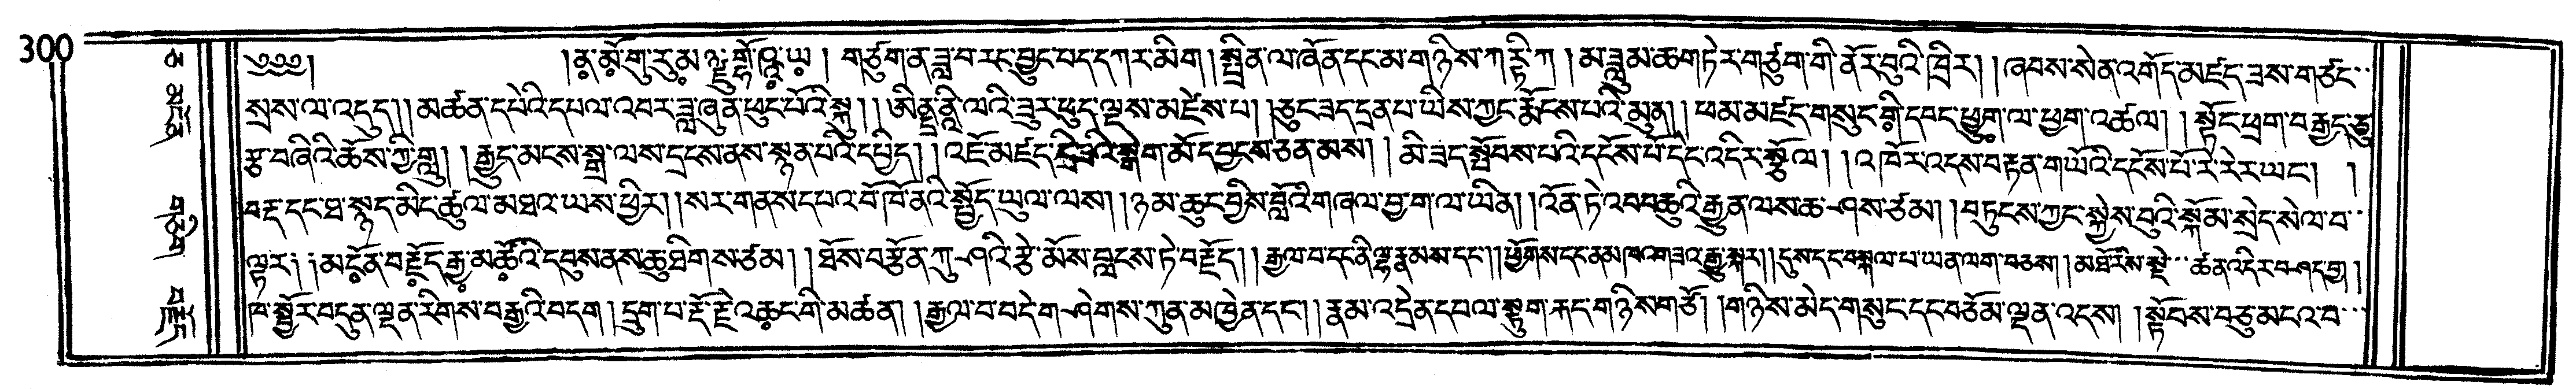༄༅༅། །ན྾་མོ྾་གུ་རུ྾་མཉྫུ་གྷོ྾་ཥཱ྾་ཡ྾། གཙུག་ན་ཟླ་བ་རང་བྱུང་པད་དཀར་མིག །སྤྲིན་ལ་ཞོན་དང་མ་གཉིས་ཀརྟི་ཀ །མ་ཟླུམ་ཆ་གཏེར་གཙུག་གི་ནོར་བུའི་ཁྲིར། །ཞབས་སེན་འགོད་མཛད་ཟས་གཙང་
སྲས་ལ་འདུད། །མཚན་དཔེའི་དཔལ་འབར་ཟླ་ཞུན་ཕུང་པོའི་སྐུ། །ཨིནྡྲ་ནཱཨི་ལའི་ཟུར་ཕུད་ལྡས་མཛེས་པ། །ཅུང་ཟད་དྲན་པ་ཡིས་ཀྱང་རྨོངས་པའི་མུན། །ཕམ་མཛད་གསུང་གི྾་དབང་ཕྱུག྾་ལ་ཕྱག་འཚལ། །སྟོང་ཕྲག་བརྒྱད་ཅུ་
རྩ་བཞིའི་ཆོས་ཀྱི་གླུ། །རྒྱུད་མངས་སྒྲ་ལས་དྲངས་ནས་སྙན་པའི་དཔྱིད། །འཇོ་མཛད་དྲི་ཟའི་སྒག་མོ་དབྱངས་ཅན་མས། །མི་ཟད་སྤོབས་པའི་དངོས་པོ་དེང་འདིར་སྩོལ། །འཁོར་འདས་གཡོའི་དངོས་པོ་རེ་རེར་ཡང་། །
བརྡ་དང་ཐ་སྙད་མིང་ཚུལ་མཐའ་ཡས་ཕྱིར། །སར་གནས་དཔའ་བོ་ཁོ་ནའི་སྤྱོད་ཡུལ་ལས། །ཉམ་ཆུང་བྱིས་བློའི་གཞལ་བྱ་ག་ལ་ཡིན། །འོན་ཏེ་འབབ་ཆུའི་རྒྱུན་ལས་ཆ་ཤས་ཙམ། །བཏུངས་ཀྱང་སྐྱེས་བུའི་སྐོམ་སྲེད་སེལ་བ་
ལྟར༑ ༑མངོན྾་བརྗོད྾་རྒྱ྾་མཚོའི་དབུས་ནས་ཆུ་ཐིགས་ཙམ། །ཐོས་བརྩོན་ཀུ་ཤའི་རྩེ་མོས་བླངས་ཏེ་བརྗོད། །རྒྱལ་བ་དང་ནི་ལྷ་རྣམས་དང་། །ཕྱོགས་དང་ན་མཁའ་གཟའ་རྒྱུ་སྐར། །དུས་དང་བསྐལ་པ་ཡན་ལག་བཅས། །མཐོ་རིས་སྡེ་་་ཚན་འདིར་བཤད་བྱ། །
ཁ་སྦྱོར་བདུན་ལྡན་རིགས་བརྒྱའི་བདག །དྲུག་པ་རྡོ་རྗེ་འཆང་གི་མཚན། །རྒྱལ་བ་བདེ་གཤེགས་ཀུན་མཁྱེན་དང་། །རྣམ་འདྲེན་དཔལ་སྟུག་རྐང་གཉིས་གཙོ། །གཉིས་མེད་གསུང་དང་བཅོམ་ལྡན་འདས། །སྟོབས་བཅུ་མངའ་བ་